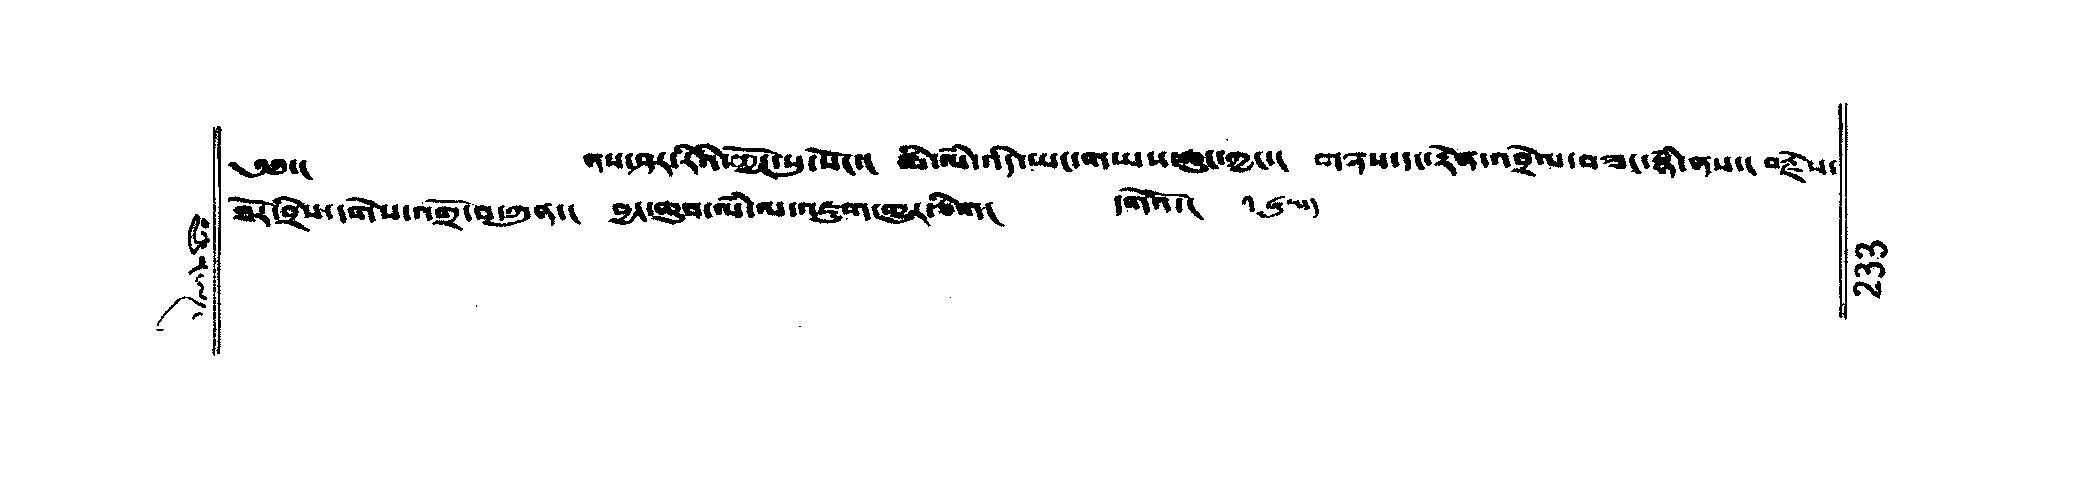ནས་ཤར་རིའི་ཕྱོགས་སུ་སོང་། །རྨི་ལམ་འདི་ཡང་གཡས་ཆུང་ཀྱང་། །གནས་དང་རྟེན་འབྲེལ་བཟང་སྙམ་ནས། བརྗེད་
ཐོར་བྲིས་དགེས་འགྲོ་བ་ཀུན། །བྱང་ཆུབ་ལམ་ལ་འཇུག་གྱུར་ཅིག དགེའོ།།